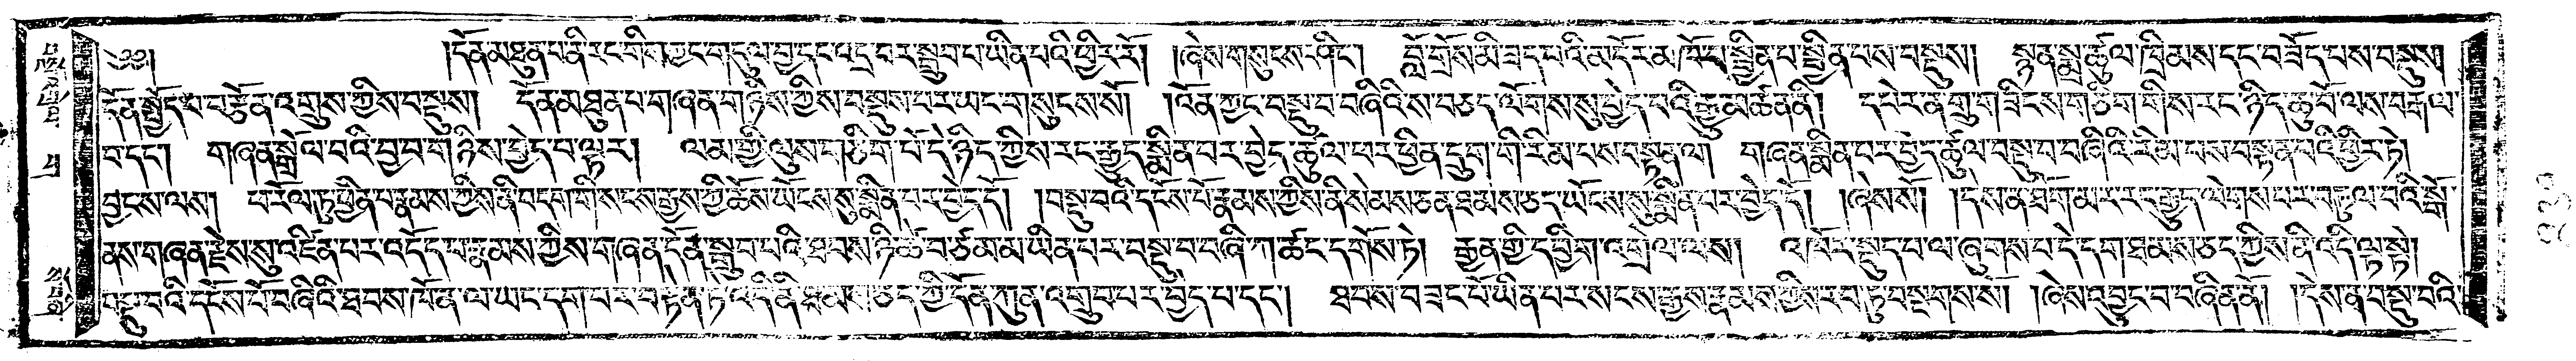༄༅། །དོན་མཐུན་བ་ནི་རང་གིས་ཀྱང་གདུལ་བྱ་དང་འདྲ་བར་སྒྲུབ་པ་ཡིན་པའི་ཕྱིར་རོ། །ཞེས་གསུངས་ཤིང་། བློ་གྲོས་མི་ཟད་པའི་མདོར་མཁོ་བ་སྦྱིན་པས་བསྡུས། སྙན་སྨྲ་ཚུལ་ཁྲིམས་དང་བཟོད་པས་བསྡུས།
དོན་སྤྱོད་པ་བརྩོན་འགྲུས་ཀྱིས་བསྡུས། དོན་མཐུན་པ་གཞན་གཉིས་ཀྱིས་བསྡུས་པར་ཡང་གསུངས་སོ། །འོན་ཀྱང་བསྡུས་པ་བཞིའི་ས་བཅད་ལོགས་སུ་ཁྱེད་པའི་རྒྱུ་མཚན་ནི། དཔེར་ན་གྲུ་གཟིངས་གཅིག་གིས་རང་ཉིད་ཆུ་བོ་ལས་བརྒལ་
བ་དང་། གཞན་སྒྲོལ་བའི་བྱ་བ་གཉིས་བྱེད་བ་ལྟར། ལམ་གྱི་ལུས་གཅིག་པོ་དེ་ཉིད་ཀྱིས་རང་རྒྱུད་སྨིན་པར་བྱེད་ཚུལ་ཕར་ཕྱིན་དྲུག་གི་རིམས་པས་བསྟན་ལ། གཞན་སྨིན་པར་བྱེད་ཚུལ་བསྡུ་བ་བཞིའི་རིམ་པས་བསྟན་པའི་ཕྱིར་ཏེ།
བྱང་ས་ལས། ཕ་རོལ་ཏུ་ཕྱིན་པ་རྣམས་ཀྱིས་ནི་བདག་གི་སངས་རྒྱས་ཀྱི་ཆོས་ཡོངས་སུ་སྨིན་བར་བྱེད་དོ། །བསྡུ་བའི་དངོས་པོ་རྣམས་ཀྱིས་ནི་སེམས་ཅན་ཐམས་ཅད་ཡོངས་སུ་སྨིན་པར་བྱེད་དོ། །ཞེས་སོ། །དེས་ན་ཐོག་མར་རང་རྒྱུད་ལེགས་པར་བཏུལ་བའི་སྒོ་
ནས་གཞན་རྗེས་སུ་འཛིན་པར་འདོད་པ་རྣམས་ཀྱིས་གཞན་དོན་སྒྲུབ་པའི་ཐབས་ཉི་ཚེ་བ་ཙམ་མ་ཡིན་པར་བསྡུ་བ་ཞིག་ག་ཚང་དགོས་ཏེ། རྒྱན་གྱི་དབྱིག་འགྲེལ་ལས། འཁོར་སྡུད་པ་ལ་ཞུགས་པ་དེ་དག་ཐམས་ཅད་ཀྱིས་ནི་འདི་ལྟ་སྟེ།
བསྡུ་བའི་དངོས་པོ་བཞིའི་ཐབས་ཁོ་ན་ལ་ཡང་དག་པར་བརྟེན་ཏེ་འདི་ནི་ཐམས་ཅད་ཀྱི་དོན་ཀུན་འགྲུབ་པར་བྱེད་པ་དང་། ཐབས་བཟང་པོ་ཡིན་པར་སངས་རྒྱས་རྣམས་ཀྱིས་རབ་ཏུ་བསྔགས་སོ། །ཞེས་འབྱུང་བ་བཞིན་ནོ། །དེས་ན་བསྡུ་བའི་